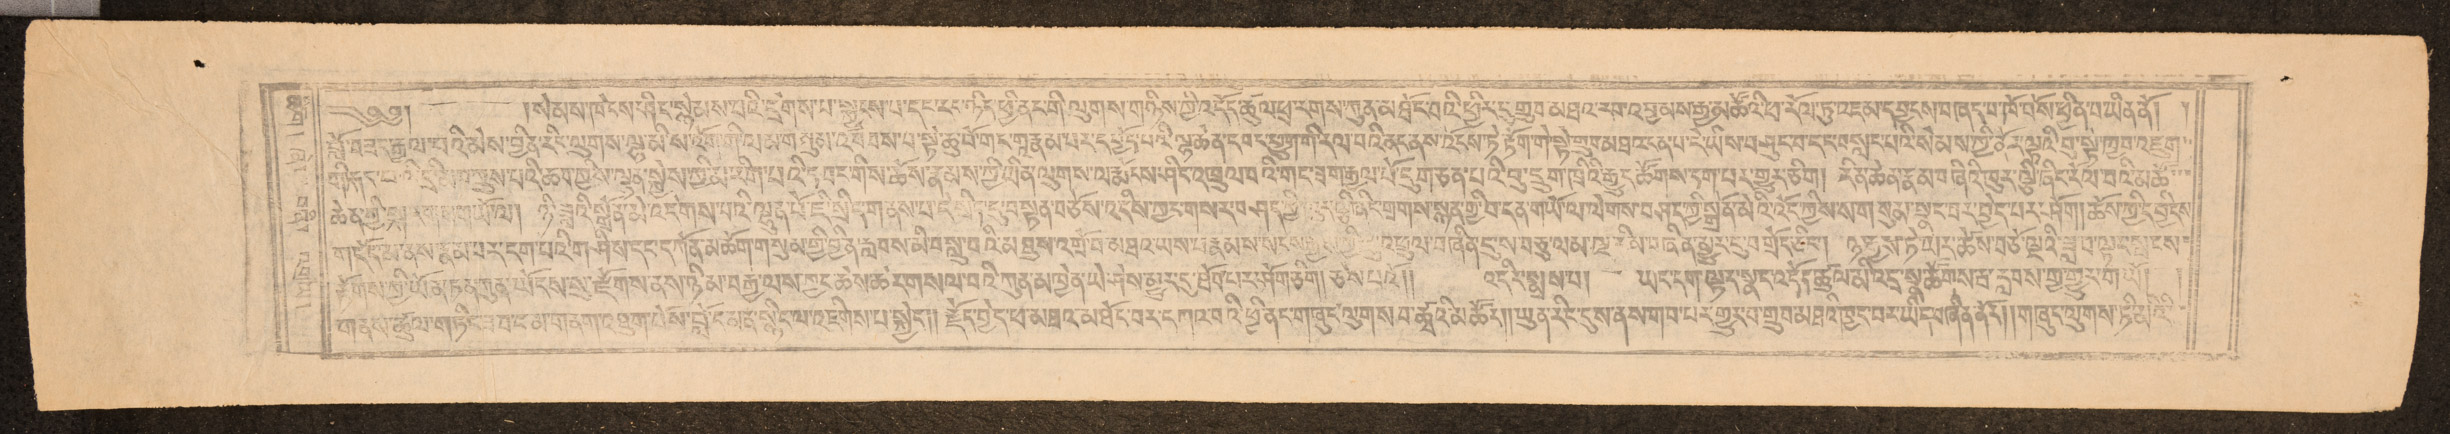༄༅། །སེམས་ཁེངས་ཤིང་སྙེམས་པའི་དྲེགས་པ་སྐྱངས་པ་དང་རང་ཉིད་ཕྱི་ནང་གི་ལུགས་གཉིས་ཀྱི་འདོད་ཚུལ་ཕྲ་རགས་ཀུན་མཐོང་བའི་ཕྱིར་དུ་གྲུབ་མཐའ་རབ་འབྱམས་རྒྱ་མཚོའི་ཕ་རོལ་ཏུ་འཇམ་དབྱངས་བཞད་པ་ཁོ་བོས་ཕྱིན་པ་ཡིན་ནོ། །
བློ་བཟང་རྒྱལ་བའི་མེས་བྱིན་རིང་ལུགས་ལྷ་མི་ས་འོག་གི་ལམ་གསུམ་འབབ་པ་སྟེ་ཆུ་བོ་གང་གཱ་རྣམ་པར་དཔྱོད་པའི་ལྷ་ཆེན་དབང་ཕྱུག་གི་རལ་བའི་ནང་ནས་འོངས་ཏེ་རྟོག་གེ་སྟེ་གྲུབ་མཐའ་ངན་པ་དེ་ཡིས་བཤུང་བ་དང་བསླང་པའི་སེམས་ཀྱི་ནོར་ལྟའི་བུ་སྟེ་ཁྱབ་འཇུག་
གི་རྐང་པའི་དྲི་མ་བཀྲུས་པའི་ཆབ་ཀྱིས་ལྷན་སྐྱེས་ཀྱི་མ་རིག་པའི་དབང་གིས་ཆོས་རྣམས་ཀྱི་ཡིན་ལུགས་ལ་རྨོངས་ཤིང་འཁྲུལ་བའི་གང་ཟག་རྒྱལ་པོ་དུག་ཅན་པའི་བུ་དྲུག་ཁྲིའི་རྒྱུད་ཚོགས་དག་པར་གྱུར་ཅིག། རིན་ཆེན་རྣམ་བཞིའི་ཁུར་ལྕི་ཞིང་རོལ་བའི་མཚོ་
ཆེན་གྱི་སྐ་རགས་གཡོ་ལ། ཉི་ཟླའི་སྒྲོན་མེ་འདེགས་པའི་ལྷུན་པོ་ཇི་སྲིད་གནས་པ་ངེ་སྲིད་དུ་བསྟན་བཅོས་འདིས་ཀྱང་གསར་བཤད་ཀྱི་ཁུར་ལྕི་ཞིང་གྲགས་སྙན་གྱི་བ་དན་གཡོ་ལ་ལེགས་བཤད་ཀྱི་སྒྲོན་མེའི་འོང་ཀྱིས་ས་གསུམ་སྣང་བར་བྱེད་པར་ཤོག། ཆོས་ཀྱི་དབྱིངས་
གདོད་མ་ནས་རྣམ་པར་དག་པའི་གཤིས་དང་དཀོན་མཆོག་གསུམ་གྱི་བྱིན་རླབས་མི་བསླུ་བའི་མཐུས་འགྲོ་བ་མཐའ་ཡས་པ་རྣམས་སངས་རྒྱས་ཀྱི་རྫུ་འཕྲུལ་བཞིན་དུ་ས་བཅུ་ལམ་ལྔ་རིམ་བཞིན་མྱུར་དུ་བགྲོད་ཅིང་། ཉ་རྒྱས་ཏེ་ཡར་ཚེས་བཅོ་ལྔའི་ཟླ་བ་ལྟར་སྤངས་
རྟོགས་ཀྱི་ཡོན་ཏན་ཀུན་ཡོངས་སུ་རྫོགས་ནས་ཉི་མ་བརྒྱ་ལས་ཀྱང་ཆེས་ཆེར་གསལ་བའི་ཀུན་མཁྱེན་ཡེ་ཤེས་མྱུར་དུ་ཐོབ་པར་ཤོག་ཅིག། ཅེས་པའོ།། འདིར་སྨྲས་པ། ཡང་དག་ལྟར་སྣང་འདོད་ཚུལ་མི་འདྲ་སྣ་ཚོགས་སརྦ་རླབས་གྱ་གྱུར་གཡོ། །
གནས་ཚུལ་གཏིང་ཟབ་ངམ་གནག་འཐུག་པོས་བློ་དམན་སྙིང་ལ་འཇིགས་པ་སྐྱེད།། རྗོད་བྱེད་ཕ་མཐའ་མཐོང་བར་དཀའ་བའི་ཕྱི་ནང་གཞུང་ལུགས་བ་ཚྭའི་མཚོར།། ཡུན་རིང་དུས་ནས་གབ་པར་གྱུར་བ་གྲུབ་མཐའི་ཁྱད་བར་ཡིད་བཞིན་ནོ།། གཞུང་ལུགས་ཏི་མིའི་